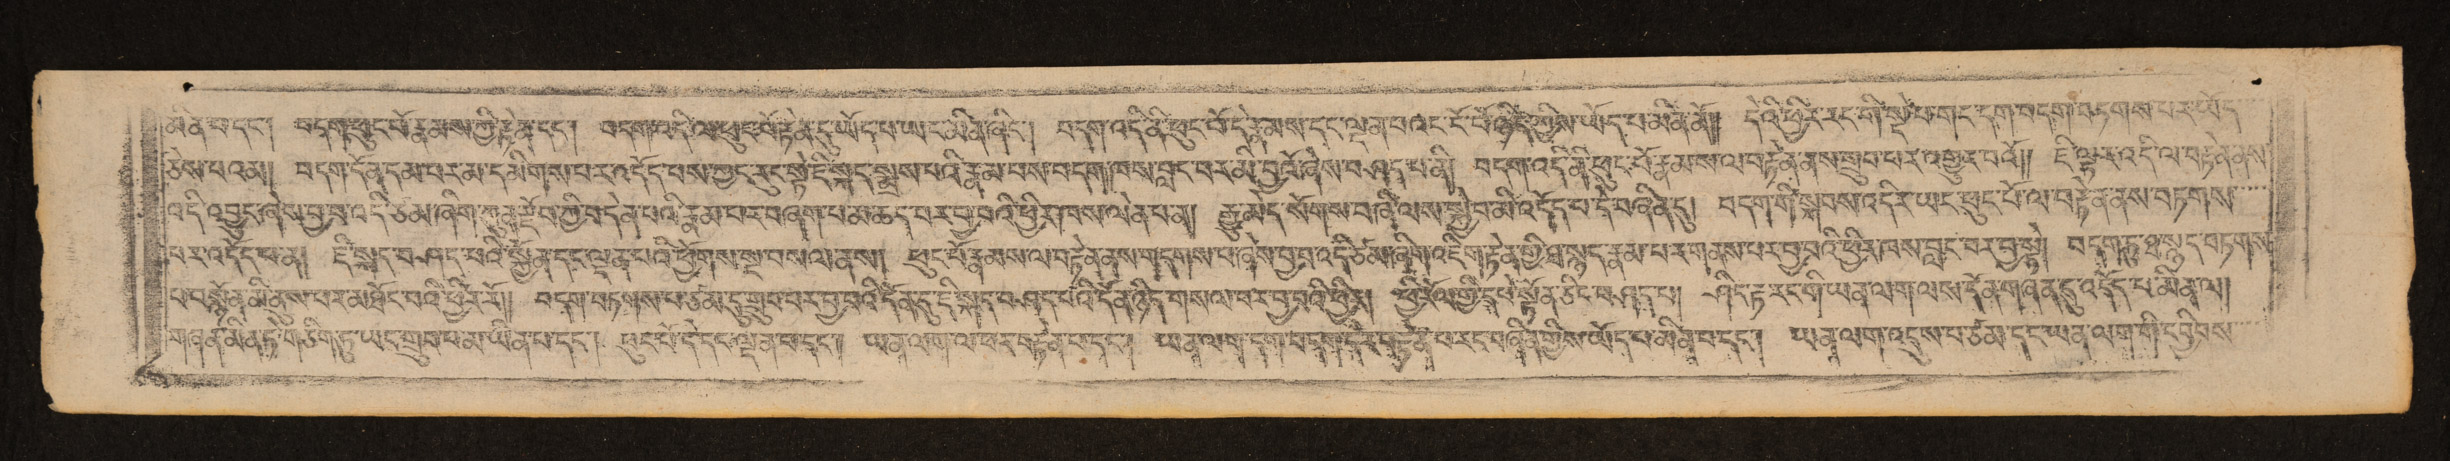མིན་པ་དང་། བདག་ཕུང་པོ་རྣམས་ཀྱི་རྟེན་དང་། བདག་འདི་ལ་ཕུང་པོ་རྟེན་དུ་ཡོད་པ་ཡང་མིན་ཞིང་། བདག་འདི་ནི་ཕུང་པོ་དེ་རྣམས་དང་ལྡན་པའང་ངོ་བོ་ཉིད་ཀྱིས་ཡོད་པ་མིན་ནོ།། དེའི་ཕྱིར་རང་གི་སྡེ་པ་གང་དག་བདག་བཏགས་པར་ཡོད་
ཅེས་པའམ། བདག་དོན་དམ་པར་མ་དམིགས་པར་འདོད་པས་ཀྱང་རུང་སྟེ་ཇི་སྐད་སྨྲས་པའི་རྣམ་པས་བདག་ཁས་བླང་བར་མི་བྱའོ་ཞེས་བཤད་པ་ནི། བདག་འདི་ནི་ཕུང་པོ་རྣམས་ལ་བརྟེན་ནས་གྲུབ་པར་འགྱུར་བའོ།། ཇི་ལྟར་འདི་ལ་བརྟེན་ནས་
འདི་འབྱུང་ཞེས་བྱ་བ་འདི་ཙམ་ཞིག་ཀུན་རྫོབ་ཀྱི་བདེན་པའི་རྣམ་པར་བཞག་པ་མ་ཆད་པར་བྱ་བའི་ཕྱིར་ཁས་ལེན་པ་ན། རྒྱུ་མེད་སོགས་བཞི་ལས་སྐྱེ་བ་མི་འདོད་པ་དེ་བཞིན་དུ། བདག་གི་སྐབས་འདིར་ཡང་ཕུང་པོ་ལ་བརྟེན་ནས་བཏགས་
པར་འདོད་པ་ན། ཇི་སྐད་བཤད་པའི་སྐྱོན་དང་ལྡན་པའི་ཕྱོགས་སྔ་བསལ་ནས། ཕུང་པོ་རྣམས་ལ་བརྟེན་ནས་གདགས་པ་ཞེས་བྱ་བ་འདི་ཙམ་ཞིག་འཇིག་རྟེན་གྱི་ཐ་སྙད་རྣམ་པར་གནས་པར་བྱ་བའི་ཕྱིར་ཁས་བླང་བར་བྱ་སྟེ། བདག་ཏུ་ཐ་སྙད་བཏགས་
པ་བསྙོན་མི་ནུས་པར་མཐོང་བའི་ཕྱིར་རོ།། བདག་བཏགས་པ་ཙམ་དུ་གྲུབ་པར་བྱ་བའི་དོན་དུ་ཇི་སྐད་བཤད་པའི་དོན་ཉིད་གསལ་བར་བྱ་བའི་ཕྱིར། ཕྱི་རོལ་གྱི་དཔེ་སྟོན་ཅིང་བཤད་པ། ཤིང་རྟ་རང་གི་ཡན་ལག་ལས་དོན་གཞན་དུ་འདོད་པ་མིན་ལ།
གཞན་མིན་ཏེ་གཅིག་ཏུ་ཡང་གྲུབ་པ་མ་ཡིན་པ་དང་། ཕུང་པོ་དེ་དང་ལྡན་པ་དང་། ཡན་ལག་ལ་ཕར་བརྟེན་པ་དང་། ཡན་ལག་དག་བདག་དེར་བརྟེན་པ་རང་བཞིན་གྱིས་ཡོད་པ་མིན་པ་དང་། ཡན་ལག་འདུས་པ་ཙམ་དང་ཡན་ལག་གི་དབྱིབས་